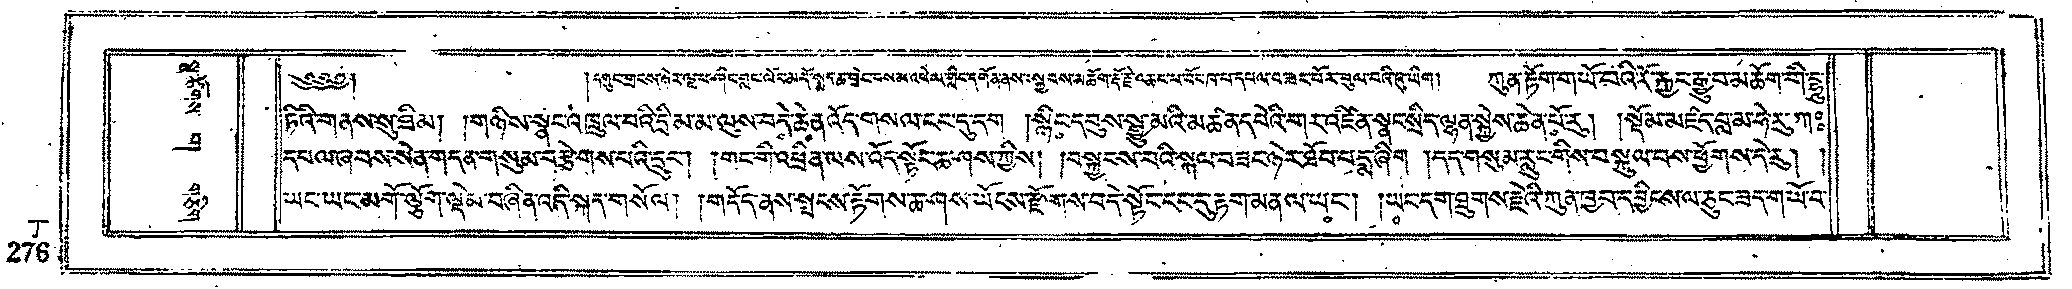༄༅༅། །དགུང་གྲངས་ཉེར་ལྔ་པ་ཤིང་གླང་ལོང་མདོ་སྨད་ཆ་བྲེང་བསམ་འཕེལ་གླིང་དགོན་ནས ༧སྐྱབས་མཆོག་རྡོ་རྗེ་འཆང་ཕ་བོང་ཁ་པ་དཔལ་བཟང་པོར་ཕུལ་བའི་ཞུ་ཡིག།  ཀུན་རྟོག་གཡོ་བའི་རོ་རྐྱང་རྒྱུ་བ་མཆོག་གི་དྷཱུ་
ཏིའི་གནས་སུ་ཐིམ། །གཉིས་སྣང་འཁྲུལ་པའི་དྲི་མ་མ་ལུས་བདེ྾་ཆེན྾་འོད་གསལ་ངང་དུ་དག །སྙིང྾་དབུས་སྒྱུ་མའི་མཚན་དཔེའི་གར་འཛིན་སྣང་སྲིད་ལྷན་སྐྱེས་ཆེན་པོ྾་རུ། །སྡོམ་མཛད་བླ་མ་ཧེ་རུ་ཀཿ
དཔལ་ཞབས་སེན་གདན་གསུམ་བརྩེགས་པའི་དྲུང་། །གང་གི་འཕྲིན་ལས་འོད་སྟོང་ཆ་ཤས་ཀྱིས། །བསྐྱངས་པའི་སྐལ་བཟང་ཉེར་ཐོབ་པདམ་ཞིག །དད་གསུམ་རླུང་གིས་བསྐུལ་བས་ཕྱོགས་དེ་རུ། །
ཡང་ཡང་མགོ་ལྕོག་ལྡེམ་བཞིན་འདི་སྐད་གསོལ། །གདོད་ནས་སྤངས་རྟོགས་ཆ་ཤས་ཡོངས་རྫོགས་བདེ་སྟོང་ངང་དུ་རྟག་མནལ་ཡང྾། །ཡང྾་དག་ཐུགས་རྗེའི་ཀུན་ཁྱབ་དབྱིངས་ལ་ཅུང་ཟད་གཡོ་བ་